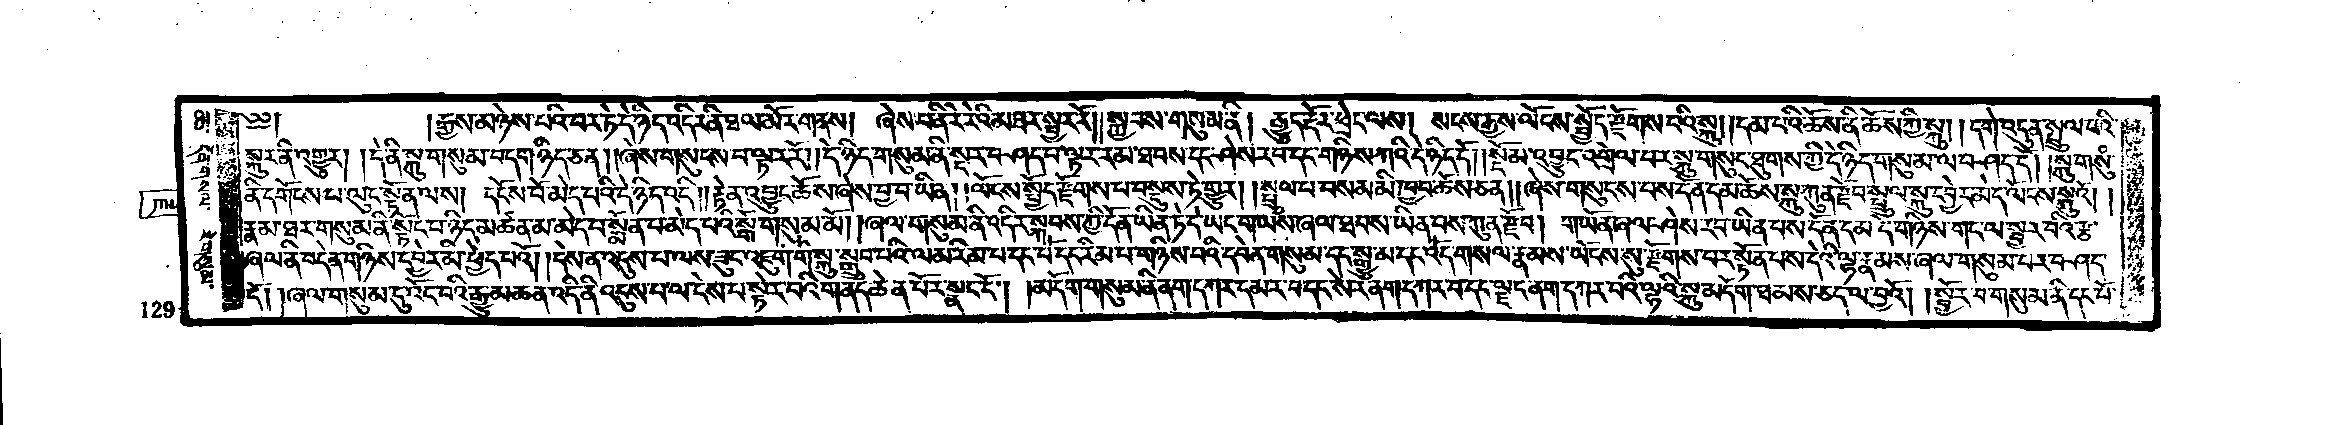༄༅། །རྒྱས་མཉེས་པའི་བར་ཏེ་དེ་ཉིད་འདིར་ནི་ཐལ་མོར་གནས། ཞེས་པ་ནི་རེ་རེའི་མཐར་སྦྱར་རོ། །སྐྱབས་གསུམ་ནི། རྒྱུད་རྡོར་ཕྲེང་ལས། སངས་རྒྱས་ལོངས་སྤྱོད་རྫོགས་པའི་སྐུ། །དམ་པའི་ཆོས་ནི་ཆོས་ཀྱི་སྐུ། །དགེ་འདུན་སྤྲུལ་པའི་
སྐུར་ནི་འགྱུར། །དེ་ནི་སྐུ་གསུམ་བདག་ཉིད་ཅན། །ཞེས་གསུངས་པ་ལྟར་རོ། །དེ་ཉིད་གསུམ་ནི་སྔར་བཤད་པ་ལྟར་རམ་ཐབས་དང་ཤེས་རབ་དང་གཉིས་ཀའི་དེ་ཉིད་དོ། །སྡོམ་འབྱུང་འགྲེལ་པར་སྐུ་གསུང་ཐུགས་ཀྱི་དེ་ཉིད་གསུམ་ལ་བཤད་དོ། །སྐུ་གསུམ་
ནི་དགོངས་པ་ལུང་སྟོན་ལས། དངོས་པོ་མེད་པའི་དེ་ཉིད་འདི། །རྟེན་འབྱུང་ཆོས་ཞེས་བྱ་བ་ཡིན། །ལོངས་སྤྱོད་རྫོགས་པ་བསྡུས་ཏེ་གྱུར། །སྤྲུལ་པ་བསམ་མི་ཁྱབ་ཆོས་ཅན། །ཞེས་གསུངས་པས་དོན་དམ་ཆོས་སྐུ་ཀུན་རྫོབ་སྤྲུལ་སྐུ་དབྱེར་མེད་ལོངས་སྐུའོ། །
རྣམ་ཐར་གསུམ་ནི་སྟོང་པ་ཉིད་མཚན་མ་མེད་པ་སྨོན་པ་མེད་པའི་སྒོ་གསུམ་མོ། །ཞལ་གསུམ་ནི་འདིར་སྐབས་ཀྱི་དོན་ཡིན་ཏེ་དེ་ཡང་གཡས་ཞལ་ཐབས་ཡིན་པས་ཀུན་རྫོབ། གཡོན་ཞལ་ཤེས་རབ་ཡིན་པས་དོན་དམ་དེ་གཉིས་གང་ལ་སྦྱར་བའི་རྩ་
ཞལ་ནི་བདེན་གཉིས་དབྱེར་མི་ཕྱེད་པའོ། །དེས་ན་འདུས་པ་ལས་ཟུང་འཇུག་གི་སྐུ་སྒྲུབ་པའི་ལམ་རིམ་པ་དང་པོ་དང་རིམ་པ་གཉིས་པའི་དབེན་གསུམ་དང་སྒྱུ་མ་དང་འོད་གསལ་རྣམས་ཡོངས་སུ་རྫོགས་པར་སྟོན་པས་དེའི་ལྷ་རྣམས་ཞལ་གསུམ་པར་བཤད་
དོ། །ཞལ་གསུམ་དུ་འོང་བའི་རྒྱུ་མཚན་འདི་ནི་འདུས་པ་ལ་ངེས་པ་སྟེར་བའི་གནད་ཆེན་པོར་སྣང་ངོ། །མདོག་གསུམ་ནི་ནག་དཀར་དམར་བ་དང་སེར་ནག་དཀར་བ་དང་ལྗང་ནག་དཀར་བའི་ལྷའི་སྐུ་མདོག་ཐམས་ཅད་ལ་བྱའོ། །སྦྱོར་བ་གསུམ་ནི་དང་པོ་